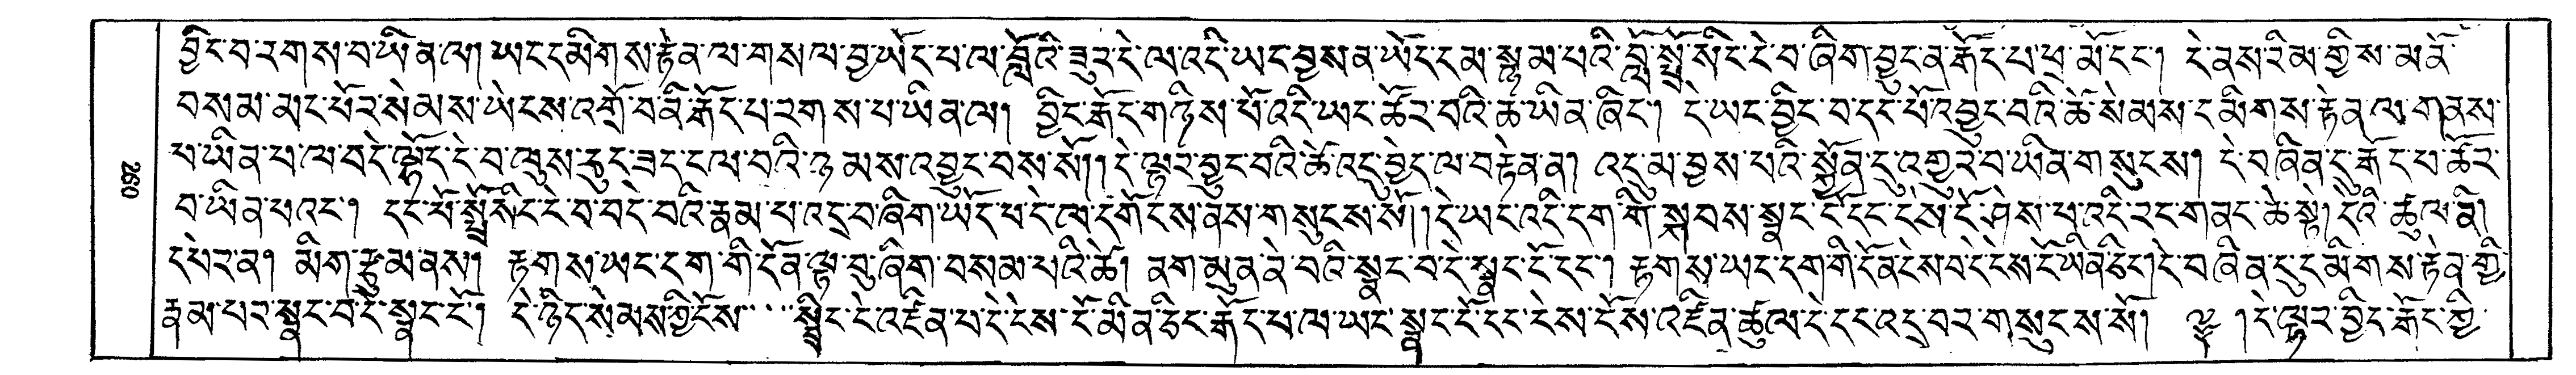བྱིང་བ་རགས་བ་ཡིན་ལ། ཡང་དམིགས་རྟེན་ལ་གསལ་བྱ་ཡོད་པ་ལ་བློའི་ཟུར་དེ་ལ་འདི་ཡང་བྱས་ན་ཡོང་ངམ་སྙམ་པའི་བློ་སྤྲོ་སིང་ངེ་བ་ཞིག་བྱུང་ན་རྒོད་པ་ཕྲ་མོ་དང་། དེ་ནས་རིམ་གྱིས་མནོ་
བསམ་མང་པོར་སེམས་ཡེངས་འགྲོ་བ་ནི་རྒོད་པ་རགས་པ་ཡིན་ལ། བྱིང་རྒོད་གཉིས་པོ་འདི་ཡང་ཚོར་བའི་ཆ་ཡིན་ཞིང་། དེ་ཡང་བྱིང་བ་དང་པོ་འབྱུང་བའི་ཚེ་སེམས་དམིགས་རྟེན་ལ་གནས་
པ་ཡིན་པ་ལ་བདེ་ལྷོད་ངེ་བ་ལུས་ཅུང་ཟད་ངལ་བའི་ཉམས་འབྱུང་བས་སོ། །དེ་ལྟར་བྱུང་བའི་ཚེ་འདུ་བྱེད་ལ་བརྟེན་ན། འདུ་མ་བྱས་པའི་སྐྱོན་དུ་འགྱུར་བ་ཡིན་གསུངས། དེ་བཞིན་དུ་རྒོད་པ་ཚོར་
བ་ཡིན་པའང་། དང་པོ་སྤྲོ་སིང?་ངེ་བ་བདེ་བའི་རྣམ་པ་འདྲ་བ་ཞིག་ཡོད་པ་དེ་ལ་དགོངས་ནས་གསུངས་སོ། །དེ་ཡང་འདི་དག་གི་སྐབས་སྣང་ངོ་དང་ངེས་ངོ་ཤེས་པ་འདི་རང་གནད་ཆེ་སྟེ། དེའི་ཚུལ་ནི།
དཔེར་ན། མིག་རྩུམ་ནས། རྟགས་ཡང་དག་གི་དོན་ལྟ་བུ་ཞིག་བསམ་པའི་ཚེ། ནག་མུན་ནེ་བའི་སྣང་བ་དེ་སྣང་ངོ་དང་། རྟགས་ཡང་དག་གི་དོན་ངེས་པ་དེ་ངེས་ངོ་ཡིན་ཅིང་། དེ་བཞིན་དུ་དམིགས་རྟེན་གྱི་
རྣམ་པར་སྣང་བ་དེ་སྣང་ངོ། དེ་ཉིད་སེམས་ཀྱི་ངོས་སྦྲིང་ངེ་འཛིན་པ་དེ་ངེས་ངོ་མིན་ཅིང་རྒོད་པ་ལ་ཡང་སྣང་ངོ་དང་ངེས་ངོས་འཛིན་ཚུལ་དེ་དང་འདྲ་བར་གསུངས་སོ། ༈ །དེ་ལྟར་བྱིང་རྒོད་ཀྱི་